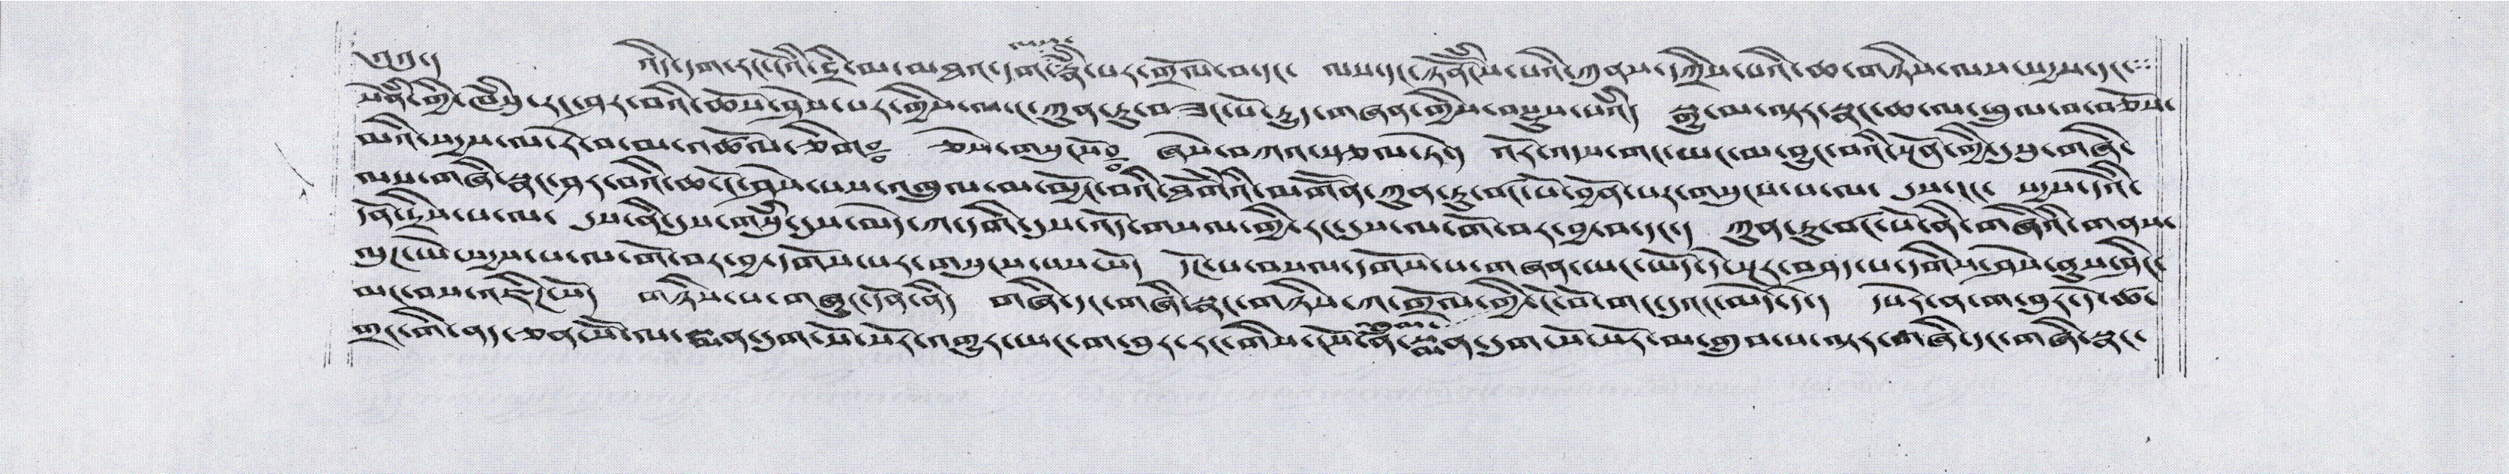འདི་དག་རང་ངོ་དྲི་མ་ཐམས་ཅད་ལས་རྣམ་པར་གྲོལ་བ་དང་། ལས་དང་ཉོན་མོངས་པའི་ཀུན་ནས་དཀྲིས་པའི་ཆ་གཉིས་ལས་སངས་རྒྱས་དང་
སེམས་ཅན་གྱི་ཁམས་སུ་རང་ཤར་བའི་ཆོས་ཤེསཔར་གྱིས་ལ་ང་ཀུན་ཏུ་བཟང་པོ་རྒྱུད་གཞན་གྱིས་བསྡུས་པའམ། སྒྱུ་མ་ལྟར་སྣང་ཆ་ལ་ཕྲུལ་བ་བཅོས་
མའི་སངས་རྒྱས་ལ་རེ་བ་མ་འཚོལ་ཅིགཿ ཅེས་གསུངས་སོ། ཞེས་བཀའ་སྩལ་ཏེ། འཁོར་འདས་གང་ཡང་མ་བྱུང་བའི་སྔོན་གྱི་དུས་སུ་གཞི་
ལས་གཞི་སྣང་ཤར་བའི་ཆ་ངོ་ཤེས་པས་འཁྲུལ་མ་མྱོང་བའི་ཐོག་མའི་མགོན་པོ་ཀུན་ཏུ་བཟང་པོ་བྱོན་པར་གསུངས་པ་ལ། དུས་དང་སངས་རྒྱས་དེའི་
དོན་དྲིས་པ་ལ། དུས་ནི་དུས་གསུམ་དུས་མེད་ཀ་དག་གི་དུས་འོད་གསལ་གྱི་རང་དུས་ལ་གོ་བར་བྱ་བ་དང་། ཀུན་ཏུ་བཟང་པོ་ནི་གཞིའི་གནས་
ལུགས་ཡེ་སངས་རྒྱས་པ་ལ་གོ་བར་བྱ་དགོས་པར་གསུངས་པས་སོ། དོགས་པ་བསལ་དགོས་པ་གཞན་ཡང་ཡོད་དེ་སྔར་བཤད་པ་སྔར་བཤད་པ་དག་གིས་ཤེས་ནུས་ཤིང་
མང་བས་འཇིགས་སོ། གཉིས་པ་གཞུང་དོན་ནི། གཞི་དང་གཞི་སྣང་གཉིས་ཀ་གྲོལ་འཁྲུལ་གྱི་ངོ་བོ་གང་དུའང་མེད་དེ། དཔེར་ན་ག་པུར་དེ་ཚ་
གྲང་གི་ནད་ཅན་སོ་སོ་ལ་སྨན་དུག་སོ་སོར་འགྱུར་ཡང་ག་པུར་རང་གི་ངོས་ནས་སྨན་དུག་སོ་སོར་མ་གྲུབ་པ་ལྟར་གཞི་དང་གཞི་སྣང་